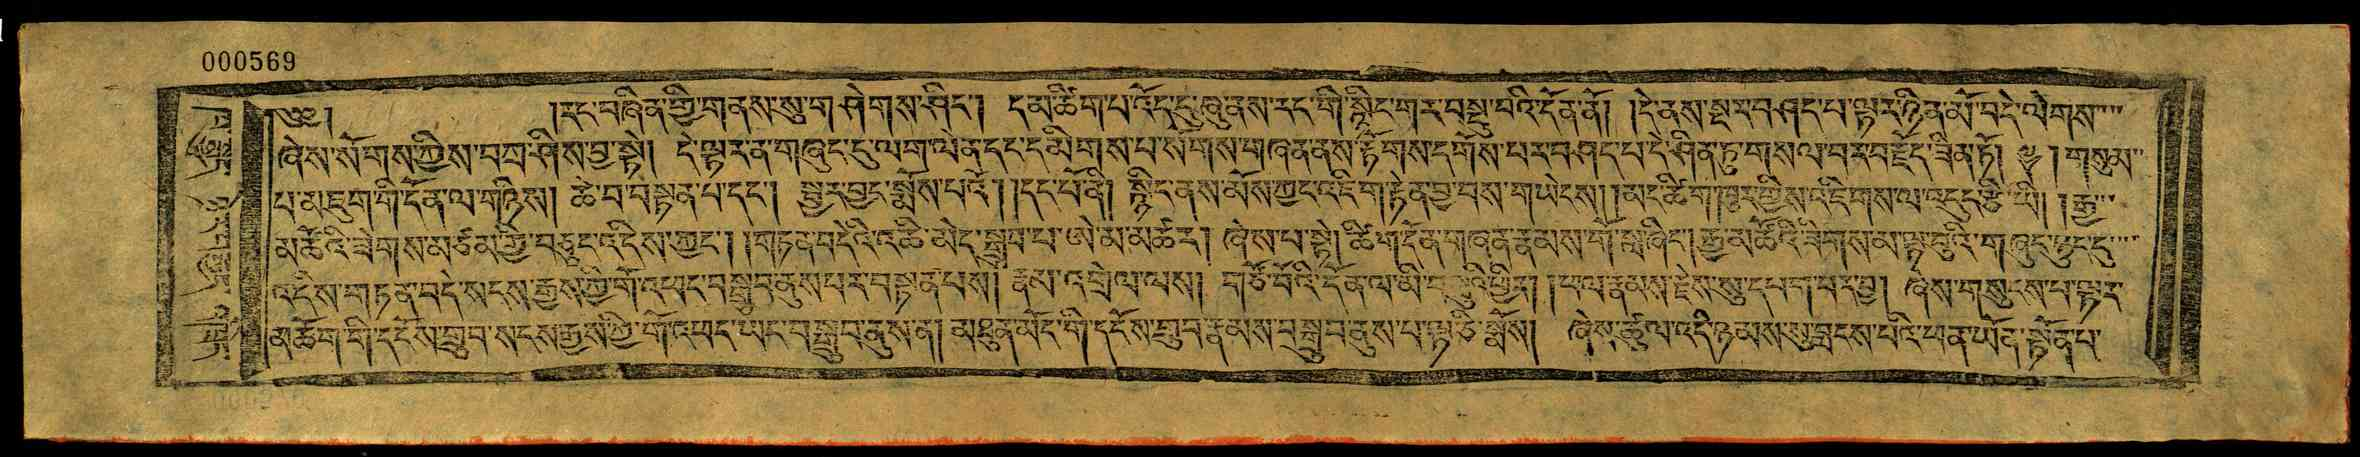༄༅། །རང་བཞིན་གྱི་གནས་སུ་གཤེགས་ཤིང་། དམ་ཚིག་པ་འོད་དུ་ཞུ་ནས་རང་གི་སྙིང་གར་བསྡུ་བའི་དོན་ནོ། །དེ་ནས་སྔར་བཤད་པ་ལྟར་ཉིན་མོ་བདེ་ལེགས་
ཞེས་སོགས་ཀྱིས་བཀྲ་ཤིས་བྱ་སྟེ། དེ་ལྟར་ན་གཞུང་དུ་ལག་ལེན་དང་དམིགས་པ་སོགས་གཞན་ནས་རྟོགས་དགོས་པར་བཤད་པ་དེ་ཤིན་ཏུ་གསལ་བར་བརྗོད་ཟིན་ཏོ། ༈ །གསུམ་
པ་མཇུག་གི་དོན་ལ་གཉིས། ཆེ་བ་བསྟན་པ་དང་། སྦྱར་བྱང་སྨོས་པའོ། །དང་པོ་ནི། སྙིང་ནས་མོས་ཀྱང་འཇིག་རྟེན་བྱ་བས་གཡེངས། །མར་ཚིག་ཁུར་གྱིས་འཇིགས་ལ་བདུད་རྩི་ཡི། །རྒྱ་
མཚོའི་ཟེགས་མ་ཙམ་གྱི་བཅུད་འདིས་ཀྱང་། །གཏན་བདེའི་འཆི་མེད་སྒྲུབ་པ་ཨེ་མ་མཚར། ཞེས་པ་སྟེ། ཚིག་དོན་གཞན་རྣམས་གོ་སླ་ཞིང་། རྒྱ་མཚོའི་ཟེགས་མ་ལྟ་བུའི་གཞུང་ཉུང་དུ་
འདིས་གཏན་བདེ་སངས་རྒྱས་ཀྱི་གོ་འཕང་བསྒྲུབ་ནུས་པར་བསྟན་པས། རྣམ་འགྲེལ་ལས། གཙོ་བོའི་དོན་ལ་མི་བསླུའི་ཕྱིར། །ཕལ་རྣམས་རྗེས་སུ་དཔག་པར་བྱ། ཞེས་གསུངས་པ་ལྟར།
མཆོག་གི་དངོས་གྲུབ་སངས་རྒྱས་ཀྱི་གོ་འཕང་ཡང་བསྒྲུབ་ནུས་ན། མཐུན་མོང་གི་དངོས་གྲུབ་རྣམས་བསྒྲུབ་ནུས་པ་ལྟ་ཅི་སྨོས། ཞེས་ཚུལ་འདི་ཉམས་སུ་བླངས་པའི་ཕན་ཡོན་སྟོན་པ་